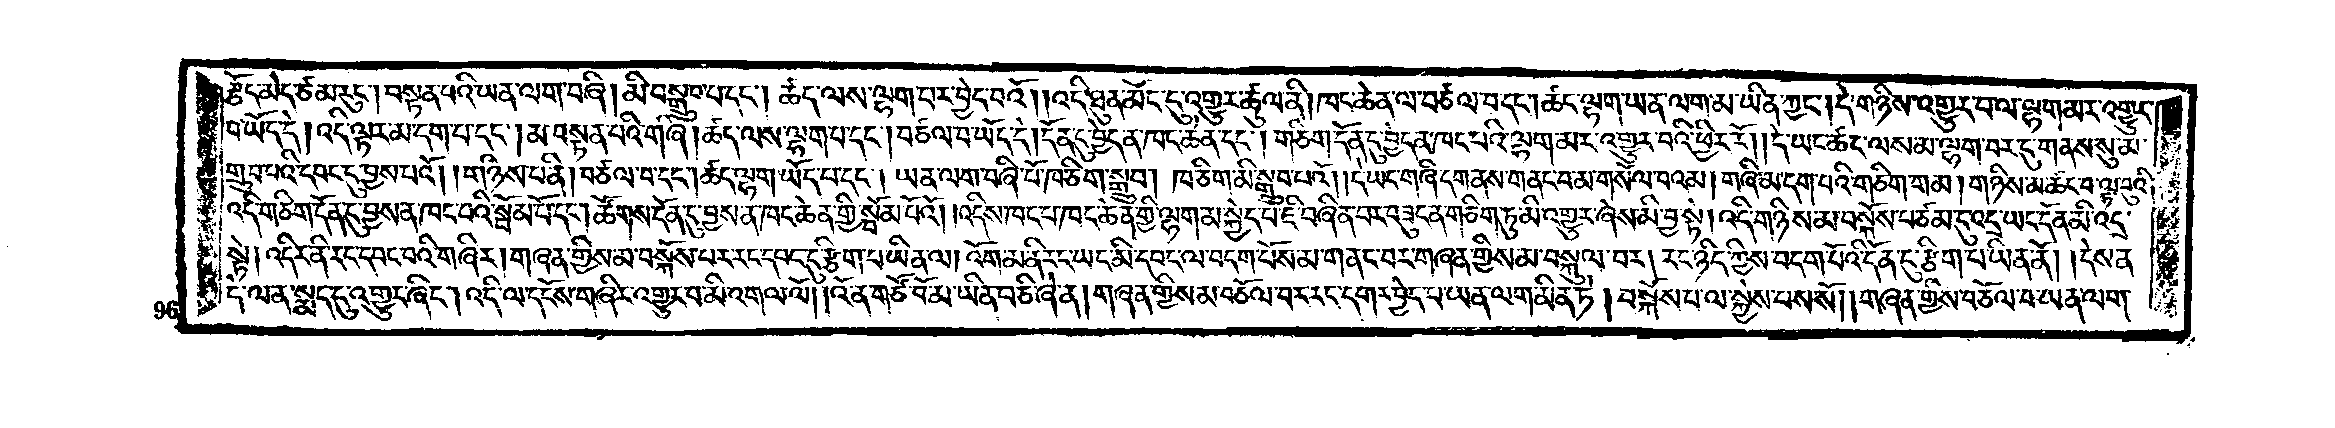རྩོད་མེད་ཙམ་རུང་། བསྟན་པའི་ཡན་ལག་བཞི། མི་བསྒྲུབ་པ་དང་། ཚད་ལས་ལྷག་པར་བྱེད་པའོ། །འདི་ཐུན་མོང་དུ་འགྱུར་ཚུལ་ནི། ཁང་ཆེན་ལ་བཙལ་བ་དང་། ཚད?་ལྷག་ཡན་ལག་མ་ཡིན་ཀྱང་། དེ་གཉིས་འགྱུར་བ་ལ་ལྷག་མར་འགྱུར་
བ་ཡོད་དེ། འདི་ལྟར་མ་དག་པ་དང་། མ་བསྟན་པའི་གཞི། ཚད་ལས་ལྷག་པ་དང་། བཙལ་བ་ཡོད་དེ། དོན་དུ་བྱེད་ན་ཁང་ཆེན་དང་། གཅིག་དོན་དུ་བྱེད་ན་ཁང་པའི་ལྷག་མར་འགྱུར་བའི་ཕྱིར་རོ། །དེ་ཡང་ཚད་ལས་མ་ལྷག་བར་དུ་གནས་སུ་མ་
གྲུབ་པའི་དབང་དུ་བྱས་པའོ། །གཉིས་པ་ནི། བཙལ་བ་དང་། ཚད་ལྷག་ཡོད་པ་དང་། ཡན་ལག་བཞི་པོ་ཁ་ཅིག་སྒྲུབ། ཁ་ཅིག་མི་སྒྲུབ་པའོ། །དེ་ཡང་གཞི་དག་ནས་གནང་བ་མ་གསོལ་བའམ། གཞི་མ་དག་པའི་གཅིག་གམ། གཉིས་མ་ཚང་བ་ལྟ་བུའི༑༑
འདི་གཅིག་དོན་དུ་བྱས་ན་ཁང་པའི་སྦོམ་པོ་དང་། ཚོགས་དོན་དུ་བྱས་ན་ཁང་ཆེན་གྱི་སྦོམ་པོའོ། །འདིས་ཁང་པ་ཁང་ཆེན་གྱི་ལྷག་མ་སྐྱེད་པ་ཇི་བཞིན་པར་བཟུང་ན་གཅིག་ཏུ་མི་འགྱུར་ཞེས་མི་བྱ་སྟེ། འདི་གཉིས་མ་བསྐོས་པ་ཙམ་དུ་འདྲ་ཡང་དོན་མི་འདྲ་
སྟེ༑ འདིར་ནི་རང་དབང་བའི་གཞིར། གཞན་གྱིས་མ་བསྐོས་པར་རང་དབང་དུ་རྩིག་པ་ཡིན་ལ། འོག་མ་ནི་རང་ཡང་མི་དབང་ལ་བདག་པོས་མ་གནང་བར་གཞན་གྱིས་མ་བསྐུལ་བར། རང་ཉིད་ཀྱིས་བདག་པོའི་དོན་དུ་རྩིག་པ་ཡིན་ནོ། །དེས་ན་
དེ་ལ་ན་སྨད་དུ་འགྱུར་ཞིང་། འདི་ལ་དངོས་གཞིར་འགྱུར་བ་མི་འགལ་ལོ། །འོ་ན་གཙོ་བོ་མ་ཡིན་པ་ཅི་ཞེ་ན། གཞན་གྱིས་མ་བཅོལ་བར་རང་དགར་བྱེད་པ་ཡན་ལག་མིན་ཏེ། བསྐོས་པ་ལ་སྐྱེས་པས་སོ། །གཞན་གྱིས་བཅོལ་བ་ཡན་ལག་